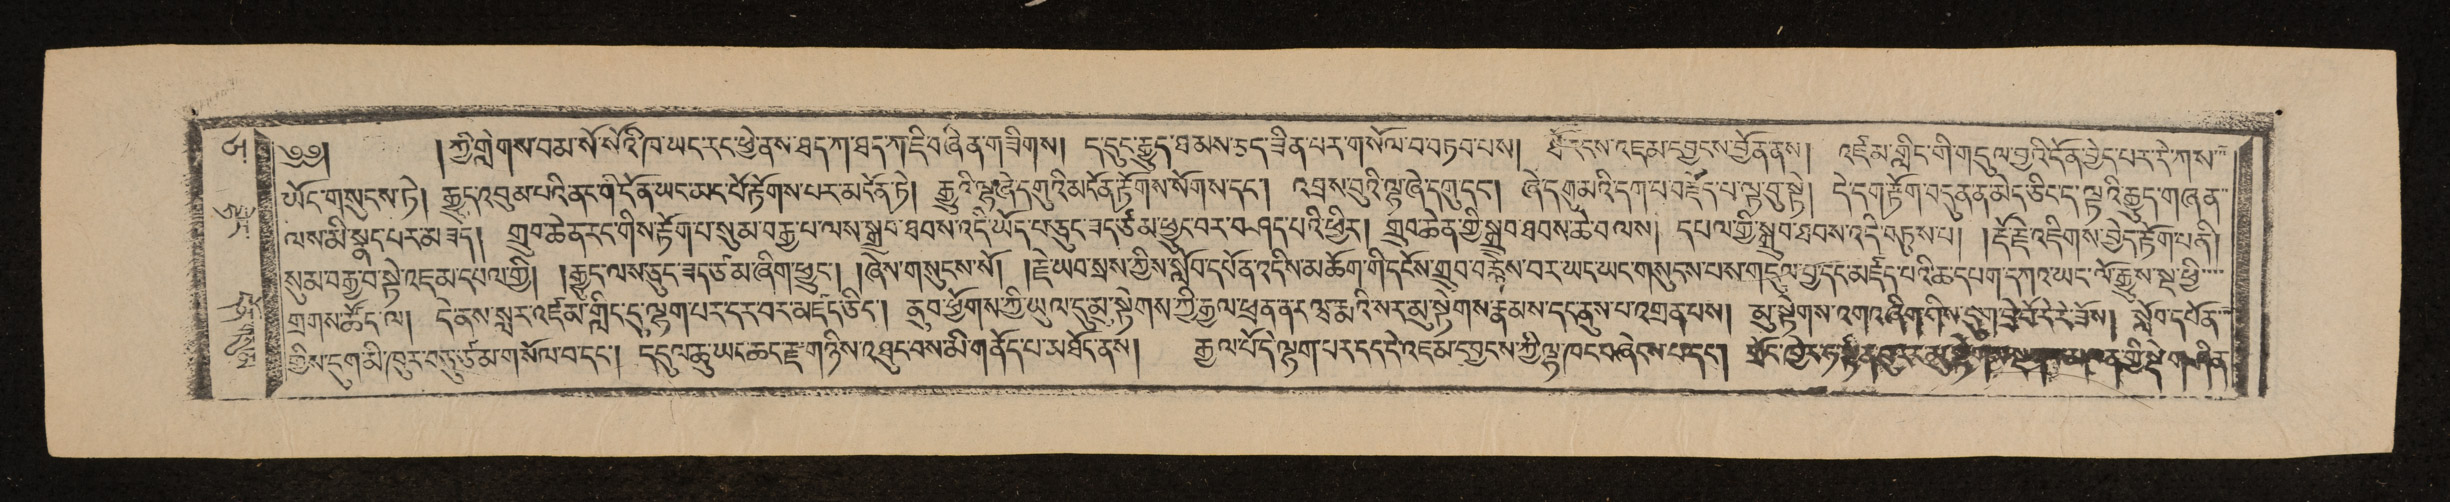༄༅། །ཀྱི་གླེགས་བམ་སོ་སོའི་ཁ་ཡང་རང་ཕྱེ་ནས་ཐད་ཀ་ཐད་ཀ་ཇི་བཞིན་གཟིགས། ད་དུང་རྒྱུད་ཐམས་ཅད་ཟིན་པར་གསོལ་བ་བཏབ་པས། ཐོ་རངས་འཇམ་དབྱངས་བྱོན་ནས། འཛམ་གླིང་གི་གདུལ་བྱའི་དོན་བྱེད་པར་དེ་ཀས་
ཡོང་གསུངས་ཏེ། རྒྱུད་འབུམ་པའི་ནང་གི་དོན་ཡང་མང་པོ་རྟོགས་པར་མངོན་ཏེ། རྒྱུའི་ལྷ་ཞེ་དགུའི་མངོན་རྟོགས་སོགས་དང་། འབྲས་བུའི་ལྷ་ཞེ་དགུ་དང་། ཞེ་དགུ་མའི་དག་པ་བརྗོད་པ་ལྟ་བུ་སྟེ། དེ་དག་རྟོག་བདུན་ན་མེད་ཅིང་ད་ལྟའི་རྒྱུད་གཞན་
ལས་མི་སྣང་བར་མ་ཟད། གྲུབ་ཆེན་རང་གིས་རྟོག་པ་སུམ་བརྒྱ་བ་ལས་སྒྲུབ་ཐབས་འདི་ཡོད་པ་ཅུང་ཟད་ཙམ་ཕྱུང་བར་བཤད་པའི་ཕྱིར། གྲུབ་ཆེན་གྱི་སྒྲུབ་ཐབས་ཆེ་བ་ལས། དཔལ་གྱི་སྒྲུབ་ཐབས་འདི་བཏུས་པ། །རྡོ་རྗེ་འཇིགས་བྱེད་རྟོག་པ་ནི། །
སུམ་བརྒྱ་པ་སྟེ་འཇམ་དཔལ་གྱི། །རྒྱུད་ལས་ཅུང་ཟད་ཙམ་ཞིག་ཕྱུང་། །ཞེས་གསུངས་སོ། །རྗེ་ཡབ་སྲས་ཀྱིས་སློབ་དཔོན་འདིས་མཆོག་གི་དངོས་གྲུབ་བརྙེས་པར་ཡང་ཡང་གསུངས་པས་གདུལ་བྱ་དང་མཛད་པའི་ཆ་དཔག་དཀའ་ཡང་ལོ་རྒྱུས་སྔ་ཕྱི་
གྲགས་ཚོད་ལ། དེ་ནས་སླར་འཛམ་གླིང་དུ་ལྷག་པར་དར་བར་མཛད་ཅིང་། ནུབ་ཕྱོགས་ཀྱི་ཡུལ་དུ་མུ་སྟེགས་ཀྱི་རྒྱལ་ཕྲན་ནར་ཝརྨའི་སར་མུ་སྟེགས་རྣམས་དང་ནུས་པ་འགྲན་པས། མུ་སྟེགས་འགའ་ཞིག་གིས་དུག་བྲེ་བོ་རེ་རེ་ཟོས། སློབ་དཔོན་
གྱིས་དུག་མི་ཁུར་བཅུ་ཙམ་གསོལ་བ་དང་། དངུལ་ཆུ་ཡང་ཆང་རྫ་གཉིས་འཐུང་བས་མི་གནོད་པ་མཐོང་ནས། རྒྱལ་པོ་དེ་ལྷག་པར་དད་དེ་འཇམ་དབྱངས་ཀྱི་ལྷ་ཁང་བཞེངས་པ་དང་། གྲོང་ཁྱེར་ཧ་སྟིན་བུ་རར་མུ་སྟེགས་སྔགས་མཁན་གྱི་སྡེ་གཤིན་